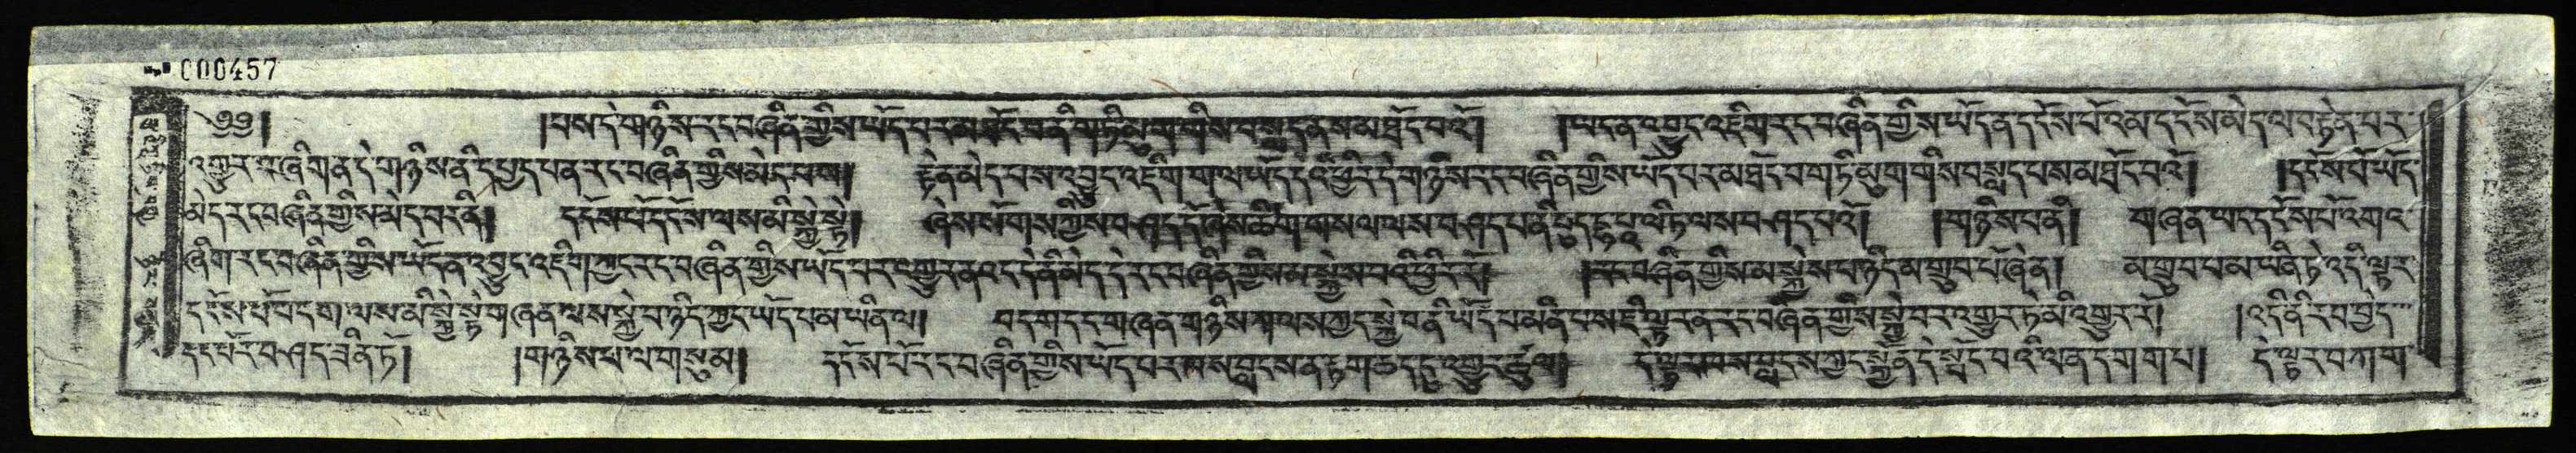༄༅། །པས་དེ་གཉིས་རང་བཞིན་གྱིས་ཡོད་པར་མཐོང་བ་ནི་གཏི་མུག་གིས་བསླད་ནས་མཐོང་བའོ། །ཡང་ན་འབྱུང་འཇིག་རང་བཞིན་གྱིས་ཡོད་ན་དངོས་པོའམ་དངོས་མེད་ལ་བརྟེན་པར་
འགྱུར་བ་ཞིག་ན་དེ་གཉིས་ནི་དཔྱད་པ་ན་རང་བཞིན་གྱིས་མེད་པས། རྟེན་མེད་པས་འབྱུང་འཇིག་ག་ལ་ཡོད་དེའི་ཕྱིར་དེ་གཉིས་རང་བཞིན་གྱིས་ཡོད་པར་མཐོང་བ་གཏི་མུག་གིས་བསླད་པས་མཐོང་བའོ། །དངོས་པོ་ཡོད་
མེད་རང་བཞིན་གྱིས་མེད་པར་ནི། དངོས་པོ་དངོས་ལས་མི་སྐྱེ་སྟེ། ཞེས་སོགས་ཀྱིས་བཤད་དོ་ཞེས་ཚིག་གསལ་ལས་བཤད་པ་ནི་བུད་དྷ་པཱ་ལི་ཏ་ལས་བཤད་པའོ། །གཉིས་པ་ནི། གཞན་ཡང་དངོས་པོ་འགའ་
ཞིག་རང་བཞིན་གྱིས་ཡོད་ན་འབྱུང་འཇིག་ཀྱང་རང་བཞིན་གྱིས་ཡོད་པར་འགྱུར་ནའང་དེ་ནི་མེད་དེ་རང་བཞིན་གྱིས་མ་སྐྱེས་པའི་ཕྱིར་རོ། །རང་བཞིན་གྱིས་མ་སྐྱེས་པ་ཉིད་མ་གྲུབ་པོ་ཞེ་ན། མ་གྲུབ་པ་མ་ཡིན་ཏེ་འདི་ལྟར་
དངོས་པོ་བདག་ལས་མི་སྐྱེ་སྟེ་གཞན་ལས་སྐྱེ་བ་ཉིད་ཀྱང་ཡོད་པ་མ་ཡིན་ལ། བདག་དང་གཞན་གཉིས་ཀ་ལས་ཀྱང་སྐྱེ་བ་ནི་ཡོད་པ་མིན་པས་ཇི་ལྟར་ན་རང་བཞིན་གྱིས་སྐྱེ་བར་འགྱུར་ཏེ་མི་འགྱུར་རོ། །འདི་ནི་རབ་བྱེད་
དང་པོར་བཤད་ཟིན་ཏོ། །གཉིས་པ་ལ་གསུམ། དངོས་པོ་རང་བཞིན་གྱིས་ཡོད་པར་ཁས་བླངས་ན་རྟག་ཆད་དུ་འགྱུར་ཚུལ། དེ་ལྟར་མཁས་བླངས་ཀྱང་སྐྱོན་དེ་སྤོང་བའི་ལན་དགག་པ། དེ་ལྟར་བཀག་